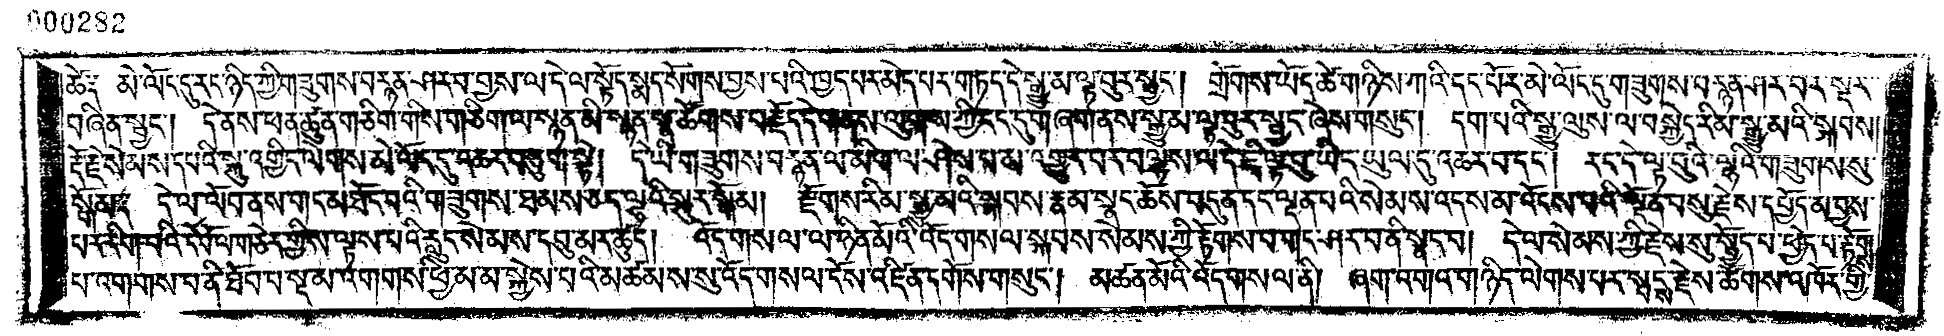ཚེ༑ མེ་ལོང་དུ་རང་ཉིད་ཀྱི་གཟུགས་བརྙན་ཤར་བ་བྱས་ལ་དེ་ལ་སྟོད་སྨད་སོགས་བྱས་པའི་ཁྱད་པར་མེད་པར་གཏད་དེ་སྒྱུ་མ་ལྟ་བུར་སྦྱང་། གྲོགས་ཡོད་ཚེ་གཉིས་ཀའི་དང་པོར་མེ་ལོང་དུ་གཟུགས་བརྙན་ཤར་བར་སྔར་
བཞིན་སྦྱང་། དེ་ནས་ཕན་ཚུན་གཅིག་གིས་གཅིག་ལ་སྙན་མི་སྙན་སྣ་ཚོགས་བརྗོད་དེ་གནས་ལུགས་ཀྱི་ངང་དུ་གཞག་ནས་སྒྱུ་མ་ལྟ་བུར་སྦྱང་ཞེས་གསུང་། དག་པའི་སྒྱུ་ལུས་ལ་བསྐྱེད་རིམ་སྒྱུ་མའི་སྐབས།
རྡོ་རྗེ་སེམས་དཔའི་སྐུ་འགྱིང་ལེགས་མེ་ལོང་དུ་འཆར་བཅུག་སྟེ། དེ་ཡི་གཟུགས་བརྙན་ལ་མིག་ལ་ཤེས་པ་མ་འགྱུར་བར་བལྟས་ལ་དེ་ཇི་ལྟ་བུ་ཡིད་ཡུལ་དུ་འཆར་བ་དང་། རང་དེ་ལྟ་བུའི་ལྷའི་གཟུགས་སུ་
སྒོམ༑ དེ་ལ་ལོབ་ནས་གང་མཐོང་བའི་གཟུགས་ཐམས་ཅད་ལྷའི་སྐུར་སྒོམ། རྫོགས་རིམ་སྒྱུ་མའི་སྐབས་རྣམ་སྣང་ཆོས་བདུན་དང་ལྡན་པའི་སེམས་འདས་མ་འོངས་པའི་སྔོན་བསུ་རྗེས་དཔྱོད་མ་བྱས་
པར་རིག་པའི་ངོ་བོ་ལ་གཅེར་གྱིས་ལྟས་པའི་རླུང་སེམས་དབུ་མར་ཚུད། འོད་གསལ་ལ་ཉིན་མོའི་འོད་གསལ་སྐབས་སེམས་ཀྱི་རྟོགས་པ་གང་ཤར་བ་ནི་སྣང་བ། དེ་ལ་སེམས་ཀྱི་རྗེས་སུ་སྤྱོད་པ་ཕྱེད་པ་རྟོགས་
པ་འགགས་པ་ནི་ཐོབ་པ་སྔ་མ་འགགས་ཕྱི་མ་མ་སྐྱེས་པའི་མཚམས་སུ་འོད་གསལ་ངོས་འཛིན་དགོས་གསུང་། མཚན་མོའི་འོད་གསལ་ནི། ཞག་འགའ་གཉིད་ལེགས་པར་སྤངས་རྗེས་ཚོགས་འཁོར་གྱི་